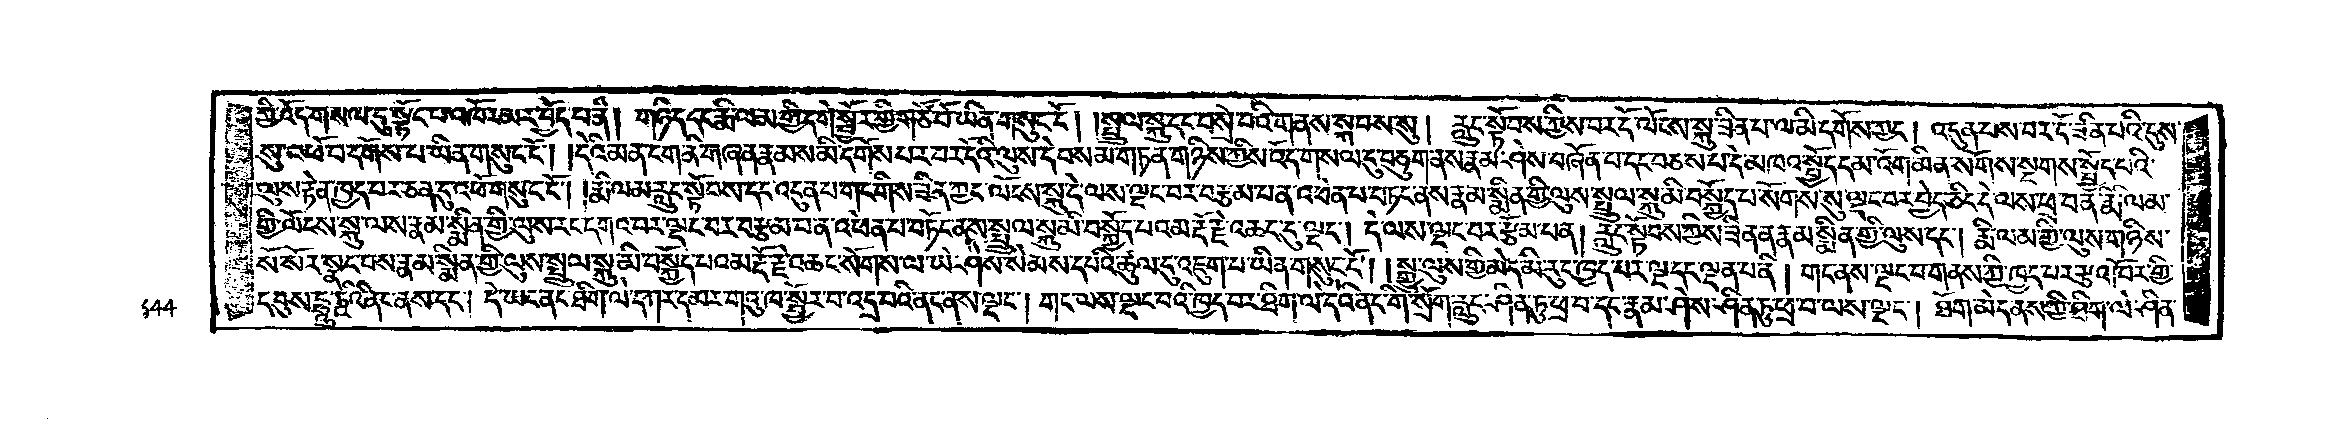ཀྱི་འོད་གསལ་དུ་སྟོང་པ་འཁོར་མར་བྱེད་པ་ནི། གཉིད་དང་རྨི་ལམ་གྱི་དགེ་སྦྱོར་གྱི་གཙོ་བོ་ཡིན་གསུང་ངོ། །སྤྲུལ་སྐུ་དང་བསྲེ་བའི་གནས་སྐབས་སུ། རླུང་སྟོབས་ཀྱིས་བར་དོ་ལོངས་སྐུ་ཟིན་པ་ལ་མི་དགོས་ཀྱང་། འདུན་པས་བར་དོ་ཟིན་པའི་དུས་
སུ་འཕོ་བ་དགོས་པ་ཡིན་གསུང་ངོ། །དེའི་མན་ངག་ནི་གཞན་རྣམས་མི་དགོས་པར་བར་དོའི་ལུས་དེ་བསམ་གཏན་གཉིས་ཀྱིས་འོད་གསལ་དུ་བཅུག་ནས་རྣམ་ཤེས་བཞོན་པ་དང་བཅས་པ་དེ་མཁའ་སྤྱོད་དམ་འོག་སོགས་སྔགས་སྤྱོད་པའི་
ལུས་རྟེན་ཁྱད་པར་ཅན་དུ་འཕོ་གསུང་ངོ། །རྨི་ལམ་རླུང་སྟོབས་དང་འདུན་པ་གང་གིས་ཟིན་ཀྱང་ལོངས་སྐུ་དེ་ལས་ལྡང་བར་བརྩམ་པ་ན་འཕེན་པ་བཏང་ནས་རྣམ་སྨིན་གྱི་ལུས་སྤྲུལ་སྐུ་མི་བསྐྱོད་པ་སོགས་སུ་ལྡང་བར་བྱེད་ཅིང་དེ་ལས་ཕྲ་བ་ན་རྨི་ལམ་
གྱི་ལོངས་སྐུ་ལས་རྣམ་སྨིན་གྱི་ལུས་རང་དགའ་བར་ལྡང་བར་བརྩམ་པ་ན་འཕེན་པ་བཏོང་ནས་སྤྲུལ་སྐུ་མི་བསྐྱོད་པའམ་རྡོ་རྗེ་འཆང་དུ་ལྡང་། དེ་ལས་ལྡང་བར་རྩོམ་པ་ན། རླུང་སྟོབས་ཀྱིས་ཟིན་ན་རྣམ་སྨིན་གྱི་ལུས་དང་། རྨི་ལམ་གྱི་ལུས་གཉིས་
སོ་སོར་སྣང་བས་རྣམ་སྨིན་གྱི་ལུས་སྤྲུལ་སྐུ་མི་བསྐྱོད་པའམ་རྡོ་རྗེ་འཆང་སོགས་ལ་ཡེ་ཤེས་སེམས་དཔའི་ཚུལ་དུ་འཇུག་པ་ཡིན་གསུང་ངོ། །སྒྱུ་ལུས་ཀྱི་མེད་མི་རུང་ཁྱད་པར་ལྔ་དང་ལྡན་པ་ནི། གང་ནས་ལྡང་བ་གནས་ཀྱི་ཁྱད་པར་རྩ་འཁོར་གྱི་
དབུས་དྷཱུ་ཏཱིའི་ནང་ནས་དང་། དེ་ཡང་ནང་ཐིག་ལེ་དཀར་དམར་གའུ་ཁ་སྦྱོར་བ་འདྲ་བའི་ནང་ནས་ལྡང་། གང་ལས་ལྡང་བའི་ཁྱད་པར་ཐིག་ལེ་དེའི་ནང་གི་སྲོག་རླུང་ཤིན་ཏུ་ཕྲ་བ་དང་རྣམ་ཤེས་ཤིན་ཏུ་ཕྲ་བ་ལས་ལྡང་། ཐོག་མེད་ནས་ཀྱི་ཐིག་ལེ་ཤིན་